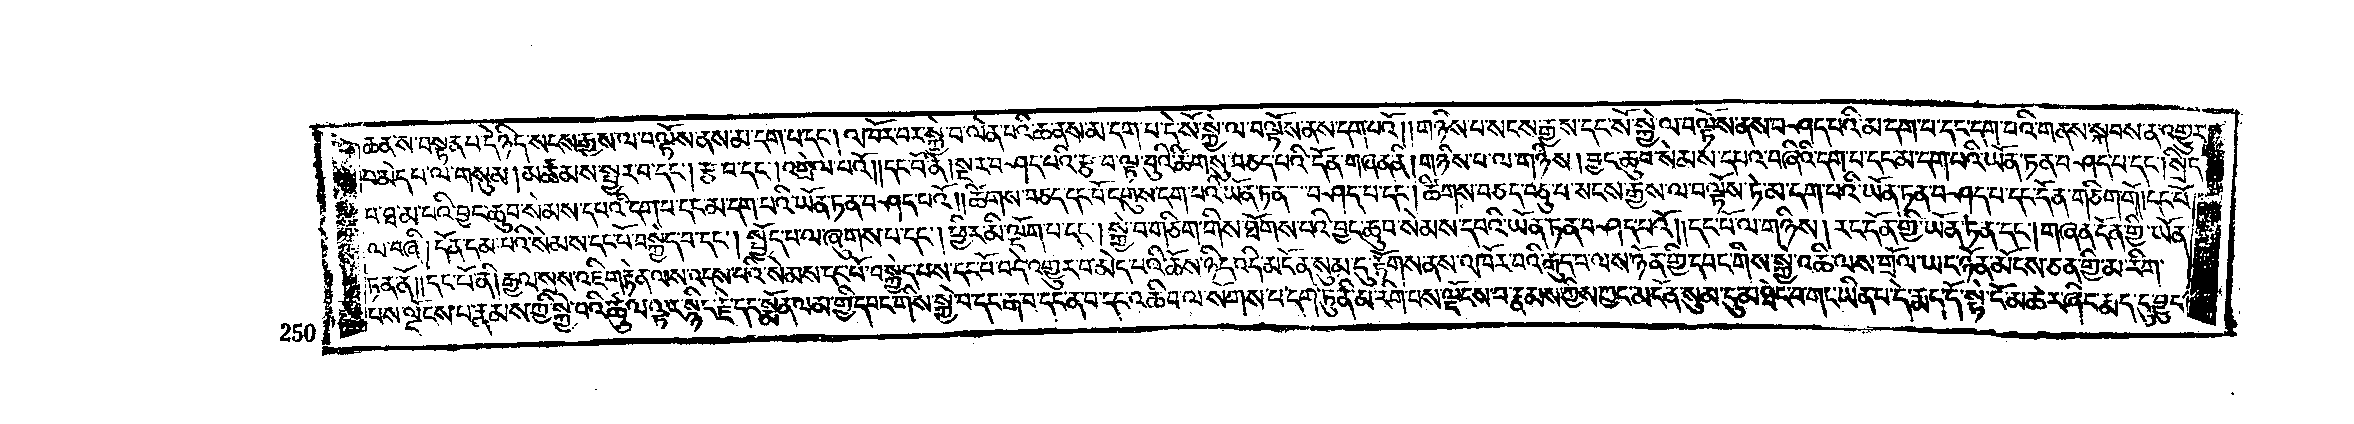ཆན་ས་བསྟན་པ་དེ་ཉིད་སངས་རྒྱས་ལ་བལྟོས་ནས་མ་དག་པ་དང་། འཁོར་བར་སྐྱེ་བ་ལེན་པའི་ཆ་ནས་མ་དག་པ་དེ་སོ་སྐྱེ་ལ་བལྟོས་ནས་དག་པའོ། །གཉིས་པ་སངས་རྒྱས་དང་སོ་སྐྱེ་ལ་བལྟོས་ནས་བཤད་པའི་མ་དག་པ་དང་དག་པའི་གནས་སྐབས་ན་འགྱུར་
བ་མེད་པ་ལ་གསུམ། མཚམས་སྦྱར་བ་དང་། རྩ་བ་དང་། འགྲེལ་པའོ། །དང་པོ་ནི། སྔར་བཤད་པའི་རྩ་བ་ལྟ་བུའི་ཚིགས་སུ་བཅད་པའི་དོན་གཞན་ནི། གཉིས་པ་ལ་གཉིས། བྱང་ཆུབ་སེམས་དཔའ་བཞིའི་དག་པ་དང་མ་དག་པའི་ཡོན་ཏན་བཤད་པ་དང་། སྲིད་
པ་ཐ་མ་པའི་བྱང་ཆུབ་སེམས་དཔའི་དག་པ་དང་མ་དག་པའི་ཡོན་ཏན་བཤད་པའོ། །ཚིགས་བཅད་དང་པོ་དགུས་དག་པའི་ཡོན་ཏན་བཤད་པ་དང་། ཚིགས་བཅད་བཅུ་པ་སངས་རྒྱས་ལ་བལྟོས་ཏེ་མ་དག་པའི་ཡོན་ཏན་བཤད་པ་དང་དོན་གཅིག་གོ །དང་པོ་
ལ་བཞི། དོན་དམ་པའི་སེམས་དང་པོ་བསྐྱེད་པ་དང་། སྤྱོད་པ་ལ་ཞུགས་པ་དང་། ཕྱིར་མི་ལྡོག་པ་དང་། སྐྱེ་བ་གཅིག་གིས་ཐོགས་པའི་བྱང་ཆུབ་སེམས་དཔའི་ཡོན་ཏན་བཤད་པའོ། །དང་པོ་ལ་གཉིས། རང་དོན་གྱི་ཡོན་ཏན་དང་། གཞན་དོན་གྱི་ཡོན་
ཏན་ནོ། །དང་པོ་ནི། རྒྱལ་སྲས་འཇིག་རྟེན་ལས་འདས་པའི་སེམས་དང་པོ་བསྐྱེད་པས་དང་པོ་བདེ་འགྱུར་བ་མེད་པའི་ཆོས་ཉིད་འདི་མངོན་སུམ་དུ་རྟོགས་ནས་འཁོར་བའི་རྒུད་པ་ལས་ཉོན་གྱི་དབང་གིས་སྐྱེ་འཆི་ལས་གྲོལ་ཡང་ཉོན་མོངས་ཅན་གྱི་མ་རིག་
པས་ལྡོངས་པ་རྣམས་ཀྱི་སྐྱེ་བའི་ཚུལ་ལྟར་སྙིང་རྗེ་དང་སྨོན་ལམ་གྱི་དབང་གིས་སྐྱེ་བ་དང་རྒ་བ་དང་ན་བ་དང་འཆི་བ་ལ་སོགས་པ་དག་ཏུ་ནི་མ་རིག་པས་ལྡོངས་པ་རྣམས་ཀྱིས་ཀྱང་མངོན་སུམ་དུ་མཐོང་བ་གང་ཡིན་པ་དེ་རྨད་དོ་སྟེ་ངོ་མཚར་ཞིང་རྨད་དུ་བྱུང་